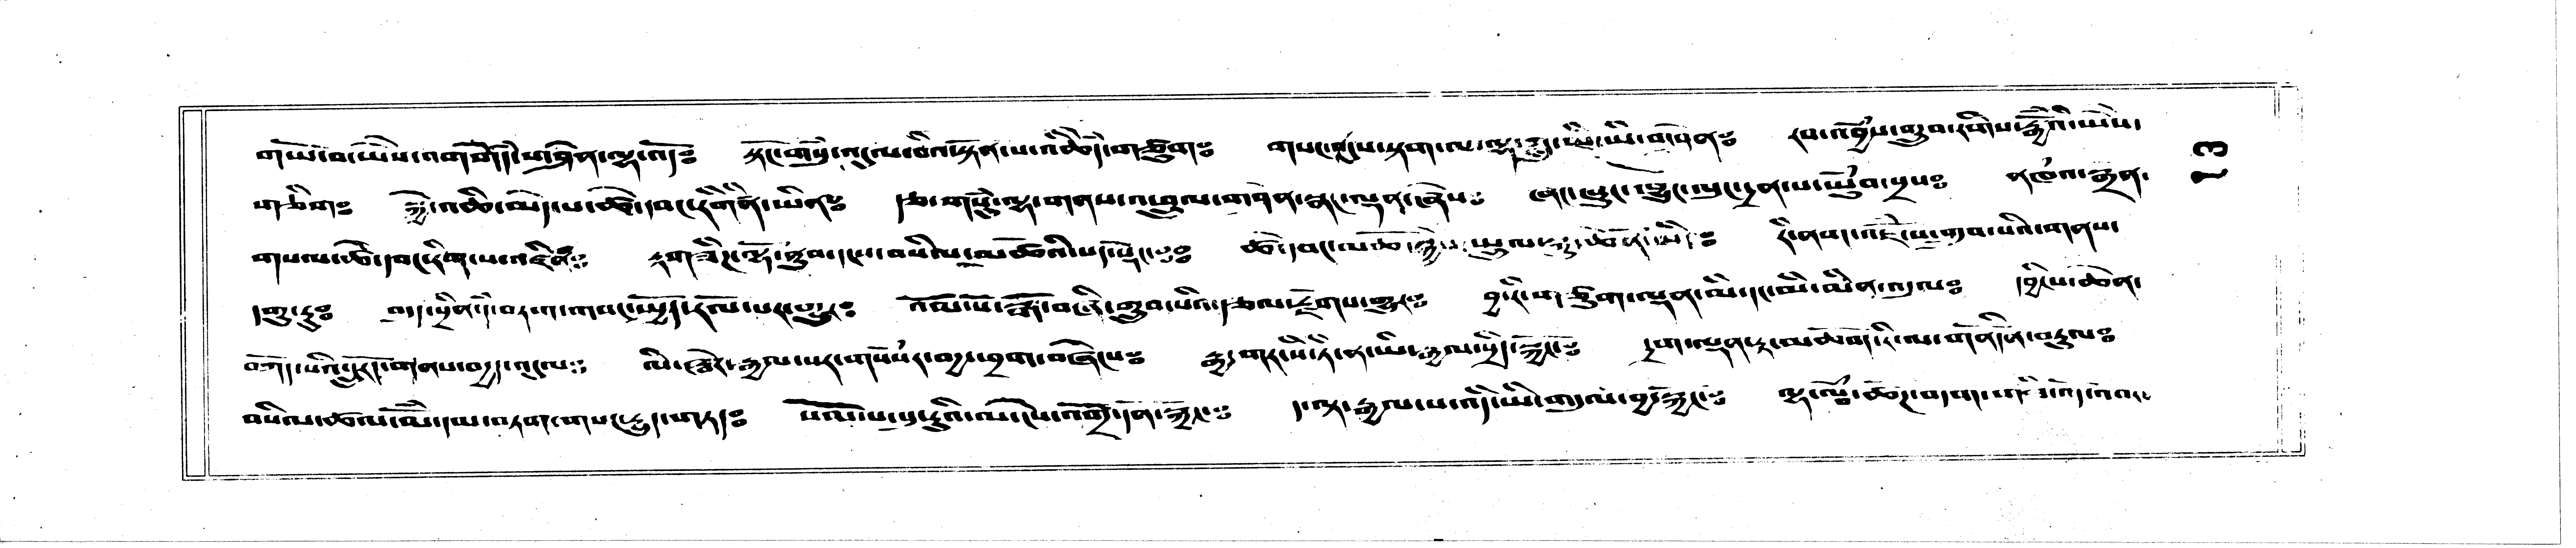གཡོ་བ་ཡེ་ཤེས་འགག་མེད་གཤེན་ལྷ་འོདཿ སྟོང་གསུམ་འདུལ་བའི་སྟོན་པ་འཆི་མེད་གཙུགཿ གསང་འདུས་སྟག་ལ་ལྷ་ཀླུ་མི་ཡི་གཤེནཿ རབ་འབྱམས་གྲུབ་རིགས་རྒྱ་མཚོའི་ཡེ་ཤེས་
གཅིགཿ སྐྱེ་འཆི་མེད་པ་ཚེ་དབང་རིག་འཛིན་ཡིནཿ རྩ་གསུམ་ལྷ་གནས་འཕྲུལ་གཤེན་སྣང་ལྡན་ཞེསཿ ཞང་ཞུང་ཁྱུང་ལུང་དྲན་པ་ཡབ་ཡུམ་སྲསཿ ནམ་མཁའ་སྒྲོན་
གསལ་ཚེ་དབང་རིག་པ་འཛིནཿ སྟག་གཟིགས་ལྷོ་ནུབ་དངས་བསིལ་མཚོའི་པད་སྡོངཿ ཚེ་དབང་མཚོ་སྐྱེས་སྤྲུལ་སྐུ་ཆེན་པོ་ཡིཿ རི་ནག་འཇོམས་པ་གྲུབ་པའི་གནས་
དགུ་རུཿ བདུད་སྲིན་དམ་བཏགས་གསང་སྤྱོད་རོལ་པར་གྱུརཿ འོམ་པོ་སྒོ་བཞི་གྲུབ་པའི་རྩལ་རྫོགས་གྱུརཿ བྱ་རི་གཙུག་ལྡན་མི་དང་མི་མིན་འདུལཿ དབྱིངས་ཆེན་
བཀོད་པའི་དུར་ཁྲོད་གནས་བརྒྱད་འདུལཿ ལི་ཝེར་རྒྱལ་སར་གསས་མཁར་བརྒྱ་ཕྲག་བཞེངསཿ རྒྱ་གར་སི་ཏི་ཧ་ཡི་རྒྱལ་སྲིད་སྐྱོངཿ དྲག་ལྡན་རྟ་མཆོག་རི་ལ་གནོད་སྦྱིན་བཏུལཿ 
བསིལ་ཚལ་མ་མོ་དམ་བཏགས་གསང་རྒྱུད་གཏདཿ ༼སོལ་པ༽ པུ་རུའི་མ་ངེས་འགྲོ་དོན་སྐྱོངཿ ལྷ་ལྕམ་ཚོགས་བདག་གཟི་འོད་འབར་